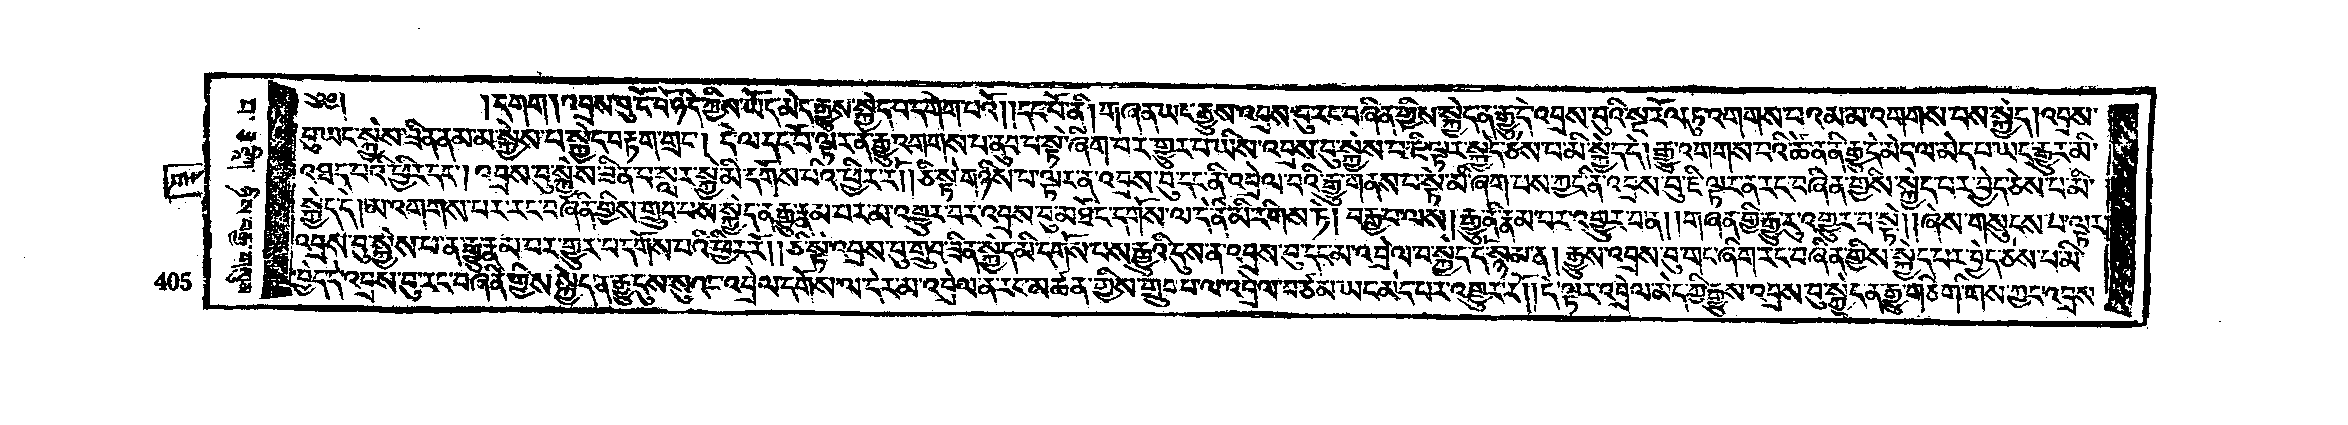༄༅། །དགག༑ འབྲས་བུ་ངོ་བོ་ཉིད་ཀྱིས་ཡོད་མེད་རྒྱུས་སྐྱེད་པ་དགག་པའོ། །དང་པོ་ནི། གཞན་ཡང་རྒྱུས་འབྲས་བུ་རང་བཞིན་གྱིས་སྐྱེད་ན་རྒྱུ་དེ་འབྲས་བུའི་སྔ་རོལ་ཏུ་འགགས་པའམ་མ་འགགས་པས་སྐྱེད། འབྲས་
བུ་ཡང་སྐྱེས་ཟིན་ནམ་མ་སྐྱེས་པ་སྐྱེད་བརྟག་གྲང་། དེ་ལ་དང་པོ་ལྟར་ན་རྒྱུ་འགགས་པ་ནུབ་པ་སྟེ་ཞིག་བར་གྱུར་པ་ཡིས་འབྲས་བུ་སྐྱེས་པ་ཇི་ལྟར་སྐྱེད་ཅེས་པའི་སྐྱེད་དེ། རྒྱུ་འགགས་པའི་ཚོ་ན་ནི་རྒྱུ་དེ་མེད་ལ་མེད་པ་ཡང་རྒྱུར་མི་
འཐད་པའི་ཕྱིར་དང་། འབྲས་བུ་སྐྱེས་ཟིན་པ་སླར་སྐྱེ་མ་དགོས་པའི་ཕྱིར་རོ། །ཅི་སྟེ་གཉིས་པ་ལྟར་ན་འབྲས་བུ་དང་ནི་འབྲེལ་པའི་རྒྱུ་གནས་པ་སྟེ་མི་ཞག་པས་ཀྱང་ནི་འབྲས་བུ་ཇི་ལྟར་ན་རང་བཞིན་གྱི་སྐྱེད་པར་བྱེད་ཅེས་པ་མི་
སྐྱེད་དེ། མ་འགགས་པར་རང་བཞིན་གྱིས་གྲུབ་པས་སྐྱེད་ན་རྒྱུ་རྣམ་པར་མ་འགྱུར་པར་འབྲས་བུ་མཐོང་དགོས་ལ་དེ་ནི་མི་རིགས་ཏེ། བརྒྱ་བ་ལས། རྒྱུ་ནི་རྣམས་པར་འགྱུར་བ་ན། །གཞན་གྱི་རྒྱུ་རུ་འགྱུར་བ་སྟེ། །ཞེས་གསུངས་པ་ལྟར་
འབྲས་བུ་སྐྱེས་པ་ན་རྒྱུ་རྣམ་པར་གྱུར་པ་དགོས་པའི་ཕྱིར་རོ། །ཅི་སྟེ་འབྲས་བུ་གྲུབ་ཟིན་སྐྱེད་མི་དགོས་པས་རྒྱུའི་དུས་ན་འབྲས་བུ་དང་མ་འབྲེལ་བ་སྐྱེད་དོ་སྙམ་ན། རྒྱུས་འབྲས་བུ་གང་ཞིག་རང་བཞན་གྱིས་སྐྱེད་པར་བྱེད་ཅེས་པ་མི་
བྱེད་དེ་འབྲས་བུ་རང་བཞིན་གྱིས་སྐྱེད་ན་རྒྱུ་དུས་སུའང་འབྲེལ་དགོས་ལ་དེར་མ་འབྲེལ་ན་རང་མཚན་གྱིས་གྲུབ་པ་ལ་འབྲེལ་བ་ཙམ་ཡང་མེད་པར་འགྱུར་རོ། །དེ་ལྟར་འབྲེལ་མེད་ཀྱི་རྒྱུས་འབྲས་བུ་སྐྱེད་ན་རྒྱུ་གཅིག་གིས་ཀྱང་འབྲས་